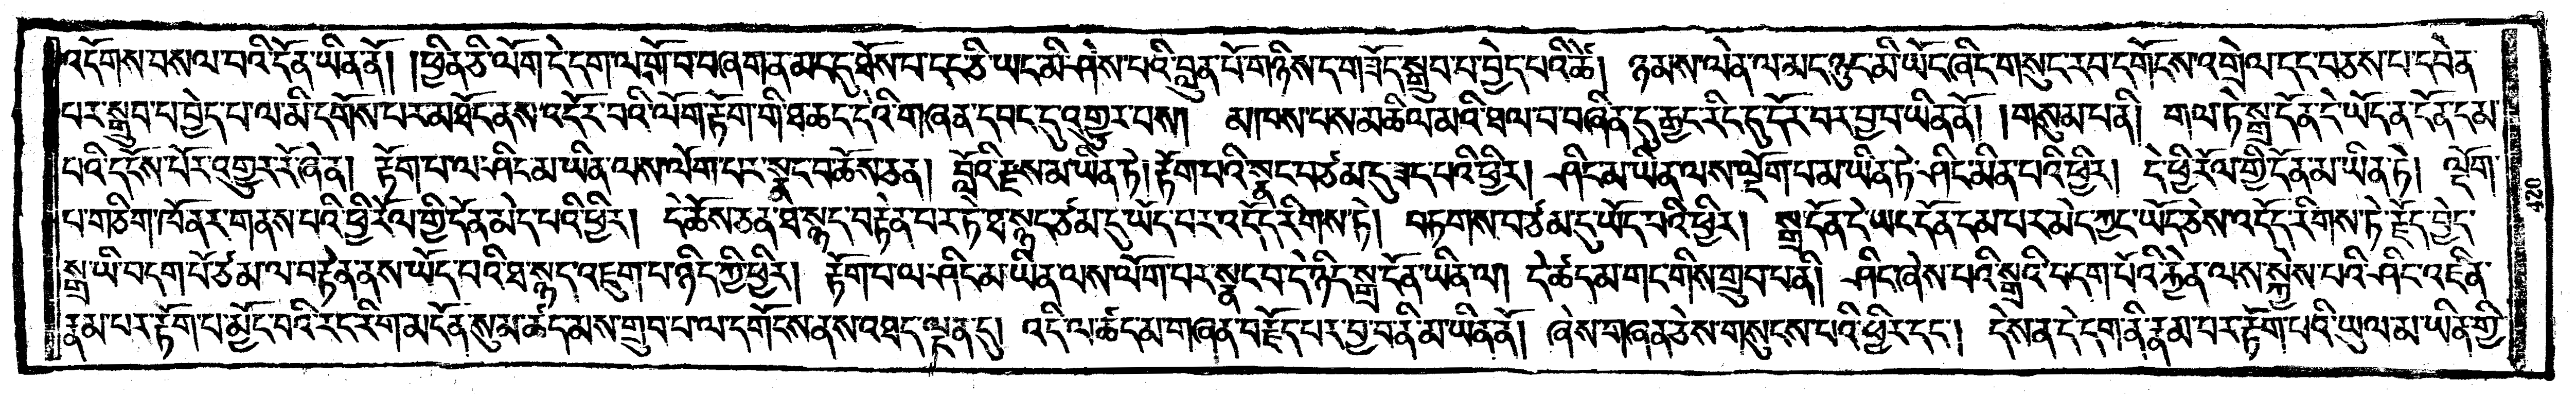འདོགས་བསལ་བའི་དོན་ཡིན་ནོ། །ཕྱིན་ཅི་ལོག་དེ་དག་ལ་གོ་བ་བཞག་ན་མང་དུ་ཐོས་པ་དང་ཅི་ཡང་མི་ཤེས་པའི་བླུན་པོ་གཉིས་ད་གཟོད་སྒྲུབ་པ་བྱེད་པའི་ཚེ། ཉམས་ལེན་ལ་མང་ཉུང་མི་ཡོད་ཞིང་གསུང་རབ་དགོངས་འགྲེལ་དང་བཅས་པ་དབེན་
པར་སྒྲུབ་པ་བྱེད་པ་ལ་མི་དགོས་པར་མཐོང་ནས་འདོར་བའི་ལོག་རྟོག་གི་ཐ་ཆད་དེའི་གཞན་དབང་དུ་འགྱུར་པས། མཁས་པས་མཆིལ་མའི་ཐལ་བ་བཞིན་དུ་རྒྱང་རིང་དུ་དོར་བར་བྱ་བ་ཡིན་ནོ། །གསུམ་པ་ནི། གལ་ཏེ་སྒྲ་དོན་དེ་ཡོད་ན་དོན་དམ་
པའི་དངོས་པོར་འགྱུར་རོ་ཞེ་ན། རྟོག་པ་ལ་ཤིང་མ་ཡིན་ལས་ལོག་པར་སྣང་བ་ཆོས་ཅན། བློའི་རྫས་མ་ཡིན་ཏེ། རྟོག་པའི་སྣང་བ་ཙམ་དུ་ཟད་པའི་ཕྱིར། ཤིང་མ་ཡིན་ལས་ལྡོག་པ་མ་ཡིན་ཏེ་ཤིང་མིན་པའི་ཕྱིར། དེ་ཕྱི་རོལ་གྱི་དོན་མ་ཡིན་ཏེ། ལྡོག་
པ་གཅིག་ཁོ་ནར་གནས་པའི་ཕྱི་རོལ་གྱི་དོན་མེད་པའི་ཕྱིར། དེ་ཆོས་ཅན་ཐ་སྙད་བརྟེན་པར་ཏེ་ཐ་སྙད་ཙམ་དུ་ཡོད་པར་འདོད་རིགས་ཏེ། བཏགས་པ་ཙམ་དུ་ཡོད་པའི་ཕྱིར། སྒྲ་དོན་དེ་ཡང་དོན་དམ་པར་མེད་ཀྱང་ཡོད་ཅེས་འདོད་རིགས་ཏེ་རྗོད་བྱེད་
སྒྲ་ཡི་བདག་པོ་ཙམ་ལ་བརྟེན་ནས་ཡོད་པའི་ཐ་སྙད་འཇུག་པ་ཉིད་ཀྱི་ཕྱིར། རྟོག་པ་ལ་ཤིང་མ་ཡིན་ལས་ལོག་པར་སྣང་བ་དེ་ཉིད་སྒྲ་དོན་ཡིན་ལ། དེ་ཚད་མ་གང་གིས་གྲུབ་པ་ནི། ཤིང་ཞེས་པའི་སྒྲའི་བདག་པོའི་རྐྱེན་ལས་སྐྱེས་པའི་ཤིང་འཛིན་
རྣམ་པར་རྟོག་པ་མྱོང་བའི་རང་རིག་མངོན་སུམ་ཚད་མས་གྲུབ་པ་ལ་དགོངས་ནས་འཐད་ལྡན་དུ། འདི་ལ་ཚད་མ་གཞན་བརྗོད་པར་བྱ་བ་ནི་མ་ཡིན་ནོ། ཞེས་གཞན་ཅེས་གསུངས་པའི་ཕྱིར་དང་། དེས་ན་དེ་དག་ནི་རྣམ་པར་རྟོག་པའི་ཡུལ་མ་ཡིན་གྱི་